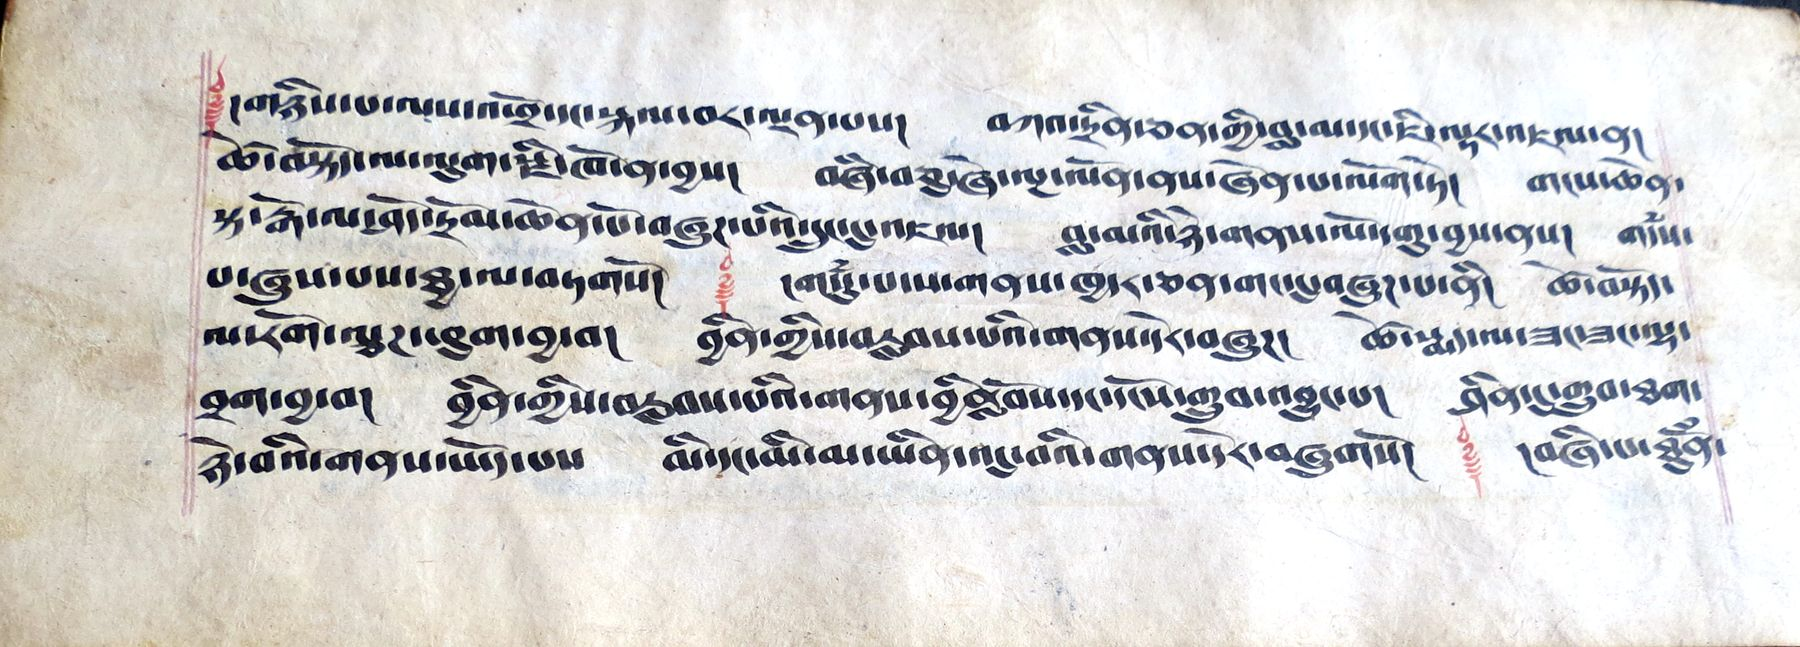གཉིས་པ་ལས་འཕྲོ་དང་སྐལ་པར་ལྡན་པས། བཀའ་དྲིན་ཅན་གྱི་བླ་མ་དང་ཇི་ལྟར་མཇལ་ན། 
ཚེ་སྟོད་ལ་ལུག་རྫི་ཁོ་ན་བྱས། བཞི་བཅུ་ཞེ་ལྔ་ལོན་ནས་ཞེན་པ་ལོག་སྟེ། གངས་ཆེན
རྟ་སྒོ་ལ་ཤོད་ཏྲམ་ཆེན་པོ་བཞུགས་པའི་དྲུང་དུ་མཇལ། བླ་མའི་ཉེ་གནས་ལོ་དགུ་བྱས་ནས། གདམས་
པ་ཞུས་པས་ཐུགས་ལ་བཏགས་སོ། ། གསུམ་པ་ས་གནས་ཁྱད་པར་ཅན་གང་དུ་བརྟེན་པའི་ཚེ་དུ་བཞུགས་པ་ནི། ཚེ་སྟོད་
ལ་ད་རོག་ལྕག་ཕུག་བྱ་བ་བྱིན་གྱིས་བརླབས་པའི་གནས་དེར་བཞུགས་སོ། ། ཚེ་སྨད་ལ་ཟང་ཟང་ལྷ་
བྲག་བྱ་བ། བྱིན་གྱིས་བརླབས་པའི་གནས་བྱིན་བརླབས་དང་དངོས་གྲུབ་འབྱུང་བ། ཤིན་ཏུ་གྲུབ་ཐག་
ཉེ་བའི་གནས་ཡོད་པ། མི་དང་མི་མིན་འདུ་བའི་གནས་དེར་བཞུགས་སོ། ། བཞི་པ་ཐུན་མོང་